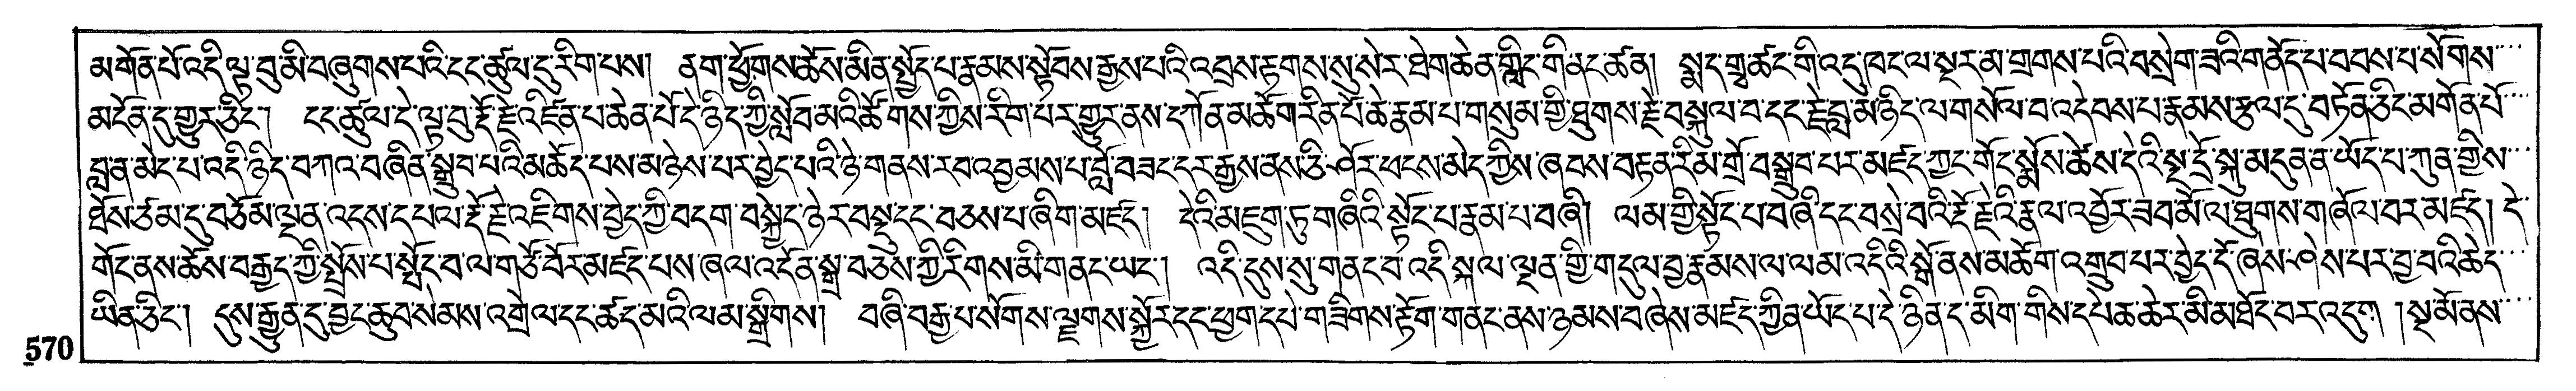མགོན་པོ་འདི་ལྟ་བུ་མི་བཞུགས་པའི་ངང་ཚུལ་དུ་རིག་པས། ནག་ཕྱོགས་ཆོས་མིན་སྤྱོད་པ་རྣམས་སྟོབས་རྒྱས་པའི་འབྲས་རྟགས་སུ་སེར་ཐེག་ཆེན་གླིང་གི་ནང་ཚན། སྨད་གྲྭ་ཚང་གི་འདུ་ཁང་ལ་སྔར་མ་གྲགས་པའི་བསྲེག་ཟའི་གནོད་པ་བབས་པ་སོགས་
མངོན་དུ་གྱུར་ཅིང་། ངང་ཚུལ་དེ་ལྟ་བུ་རྡོ་རྗེ་འཛིན་པ་ཆེན་པོ་དེ་ཉིད་ཀྱི་སློབ་མའི་ཚོགས་ཀྱིས་རིག་པར་གྱུར་ནས་དཀོན་མཆོག་རིན་པོ་ཆེ་རྣམ་པ་གསུམ་གྱི་ཐུགས་རྗེ་བསྐུལ་བ་དང་རྗེ་བླ་མ་ཉིད་ལ་གསོལ་བ་འདེབས་པ་རྣམས་སྩལ་དུ་བཏོན་ཅིང་མགོན་པོ་
བླ་ན་མེད་པ་འདི་ཉིད་བཀའ་བཞིན་སྒྲུབ་པའི་མཆོད་པས་མཉེས་པར་བྱེད་པའི་ཉེ་གནས་རབ་འབྱམས་པ་བློ་བཟང་ངར་རྒྱས་ནས་ཅི་ཤོག་ཕངས་མེད་ཀྱིས་ཞབས་བརྟན་ཅི་མ་གྲོ་བསྒྲུབ་པར་མཛད་ཀྱང་གོང་སྨོས་ཚེས་དེའི་སྔ་དྲོ་སྐུ་མདུན་ན་ཡོད་པ་ཀུན་གྱིས་
ཐོས་ཙམ་དུ་བཅོམ་ལྡན་འདས་དཔལ་རྡོ་རྗེ་འཇིགས་བྱེད་ཀྱི་བདག་བསྐྱེད་ཉེར་བསྡུ་དང་བཅས་པ་ཞིག་མཛད། དེའི་མཇུག་ཏུ་གཞིའི་སྟོང་པ་རྣམ་པ་བཞི། ལམ་གྱི་སྟོང་པ་བཞི་དང་བསྲེ་བའི་རྡོ་རྗེའི་རྣལ་འབྱོར་ཟབ་མོ་ལ་ཐུགས་གཞོལ་བར་མཛད། དེ་
གོང་ནས་ཆོས་བརྒྱད་ཀྱི་སྤྲོས་པ་སྤོང་བ་ལ་གཙོ་བོར་མཛད་པས་ཞལ་འདོན་སྒྲ་བཅས་ཀྱི་རིགས་མི་གནང་ཡང་། འདི་དུས་སུ་གནང་བ་འདི་སྐལ་ལྡན་གྱི་གདུལ་བྱ་རྣམས་ལ་ལམ་འདིའི་སྒོ་ནས་མཆོག་འགྲུབ་པར་བྱེད་དོ་ཞེས་ཤེས་པར་བྱ་བའི་ཆེད་
ཡིན་ཅིང་། དུས་རྒྱུན་དུ་བྱང་ཆུབ་སེམས་འགྲེལ་དང་ཚད་མའི་ལམ་དྶྒྲིགས། བཞི་བརྒྱ་པ་སོགས་ལྗགས་སྐྱོང་དང་ཕྱག་དཔེ་གཟིགས་རྟོག་གནང་ནས་ཉམས་བཞེས་མཛད་ཀྱིན་ཡོད་པ་དེ་ཉིན་དམིགས་གིས་དཔེ་ཆ་ཆེར་མི་མཐོང་བར་